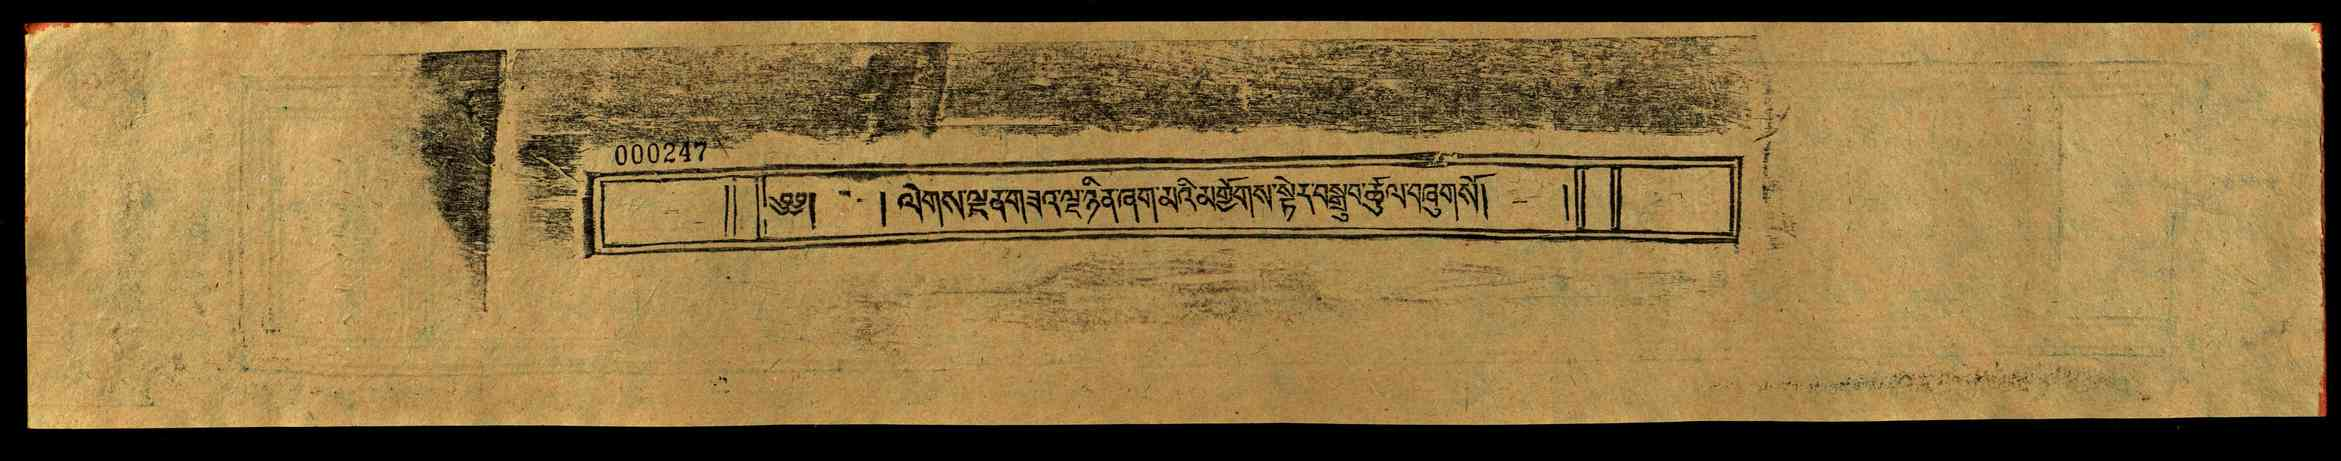༄༅། །ལེགས་ལྡན་གཟའ་ལྔ་ཉིན་ཞག་མའི་མགྱོགས་སྟེར་བསྒྲུབ་ཚུལ་བཞུགས། །